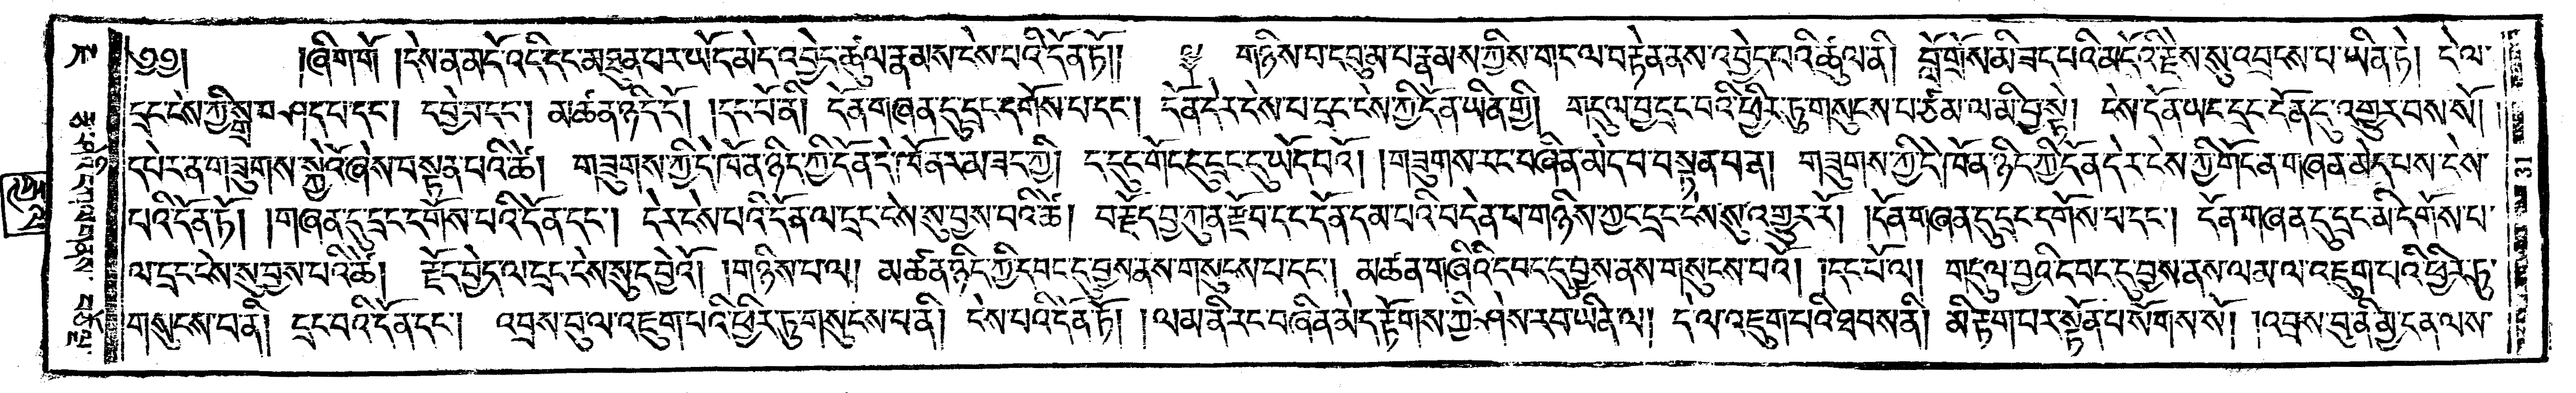༄༅། །ཞིག་གོ །དེས་ན་མདོ་འདི་དང་མཐུན་པར་ཡོད་མེད་འབྱེད་ཚུལ་རྣམས་ངེས་པའི་དོན་ཏོ།། ༈ གཉིས་པ་དབུ་མ་པ་རྣམས་ཀྱིས་གང་ལ་བརྟེན་ནས་འབྱེད་པའི་ཚུལ་ནི། བློ་གྲོས་མི་ཟད་པའི་མདོའི་རྗེས་སུ་འབྲངས་པ་ཡིན་ཏེ། དེ་ལ་
དྲང་ངེས་ཀྱི་སྒྲ་བཤད་པ་དང་། དབྱེ་བ་དང་། མཚན་ཉིད་དོ། །དང་པོ་ནི། དོན་གཞན་དུ་དྲང་དགོས་པ་དང་། དོན་དེར་ངེས་པ་དྲང་ངེས་ཀྱི་དོན་ཡིན་གྱི། གདུལ་བྱ་དྲང་བའི་ཕྱིར་ཏུ་གསུངས་པ་ཙམ་ལ་མི་བྱ་སྟེ། ངེས་དོན་ཡང་དྲང་དོན་དུ་འགྱུར་བས་སོ། །
དཔེར་ན་གཟུགས་སྐྱེའོ་ཞེས་བསྟན་པའི་ཚེ། གཟུགས་ཀྱི་དེ་ཁོ་ན་ཉིད་ཀྱི་དོན་དེ་ཁོ་ནར་མ་ཟད་ཀྱི། ད་དུང་གོང་དུ་དྲང་དུ་ཡོད་པའོ། །གཟུགས་རང་བཞིན་མེད་པ་བསྟན་པ་ན། གཟུགས་ཀྱི་དེ་ཁོ་ན་ཉིད་ཀྱི་དོན་དེར་ངེས་ཀྱི་གོང་ན་གཞན་མེད་པས་ངེས་
པའི་དོན་ཏོ། །གཞན་དུ་དྲང་དགོས་པའི་དོན་དང་། དེར་ངེས་པའི་དོན་ལ་དྲང་ངེས་སུ་བྱས་པའི་ཚེ། བརྗོད་བྱ་ཀུན་རྫོབ་དང་དོན་དམ་པའི་བདེན་པ་གཉིས་ཀྱང་དྲང་ངེས་སུ་འགྱུར་རོ། །དོན་གཞན་དུ་དྲང་དགོས་པ་དང་། དོན་གཞན་དུ་དྲང་མི་དགོས་པ་
ལ་དྲང་ངེས་སུ་བྱས་པའི་ཚེ། རྗོད་བྱེད་ལ་དྲང་ངེས་སུ་དབྱེའོ། །གཉིས་པ་ལ། མཚན་ཉིད་ཀྱི་དབང་དུ་བྱས་ནས་གསུངས་པ་དང་། མཚན་གཞིའི་དབང་དུ་བྱས་ནས་གསུངས་པའོ། །དང་པོ་ལ། གདུལ་བྱའི་དབང་དུ་བྱས་ནས་ལམ་ལ་འཇུག་པའི་ཕྱིར་ཏུ་
གསུངས་པ་ནི། དྲང་བའི་དོན་དང་། འབྲས་བུ་ལ་འཇུག་པའི་ཕྱིར་ཏུ་གསུངས་པ་ནི། ངེས་པའི་དོན་ཏོ། །ལམ་ནི་རང་བཞིན་མེད་རྟོགས་ཀྱི་ཤེས་རབ་ཡིན་ལ། དེ་ལ་འཇུག་པའི་ཐབས་ནི། མི་རྟག་པར་སྟོན་པ་སོགས་སོ། །འབྲས་བུ་ནི་མྱ་ངན་ལས་